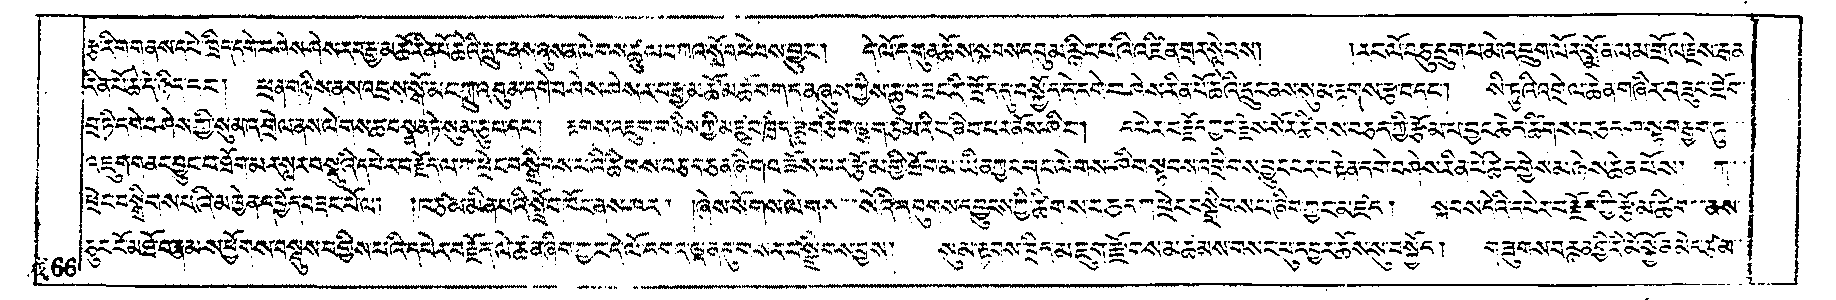རྩ་རིག་གནས་དཔེ་ཁྲིད་དགེ་བཤེས་ཤེས་རབ་རྒྱ་མཚོ་རིན་པོ་ཆེའི་དྲུང་ནས་ཞུས་ན་ལེགས་ཚུལ་བཀའ་སློབ་ཕེབས་བྱུང་། དེ་ལོ་དགུན་ཆོས་སྐབས་དབུ་མ་རྙིང་པའི་འཛིན་གྲར་སླེབས། །རང་ལོ་བཅུ་དྲུག་པ་མེ་འབྲུག་ལོར་སྨོན་ལམ་གྲོལ་རྗེས་རྒན་
རིན་པོ་ཆེ་དེ་ཉིད་དང་། ཕྲན་གཉིས་ནས་འབྲས་སྒོ་མང་ཀླུ་འབུམ་དགེ་བཤེས་ཤེས་རབ་རྒྱ་མཚོ་མཆོག་གདན་ཞུས་ཀྱིས་ཆུ་བཟང་རི་ཁྲོད་དུ་བསྐྱོད་དེ་དགེ་བཤེས་རིན་པོ་ཆེའི་དྲུང་ནས་སུམ་རྟགས་རྩ་བ་དང་། སི་ཏུའི་འགྲེལ་ཆེན་གཞིར་བཟུང་ཐོག་
བྲ་ཏི་དགེ་བཤེས་ཀྱི་སུམ་འགྲེལ་ནས་ལེགས་ཆ་བསྣན་ཏེ་སུམ་ཅུ་པ་དང་། རྟགས་འཇུག་གཉིས་ཀྱི་མཛུབ་ཁྲིད་ཟླ་གཅིག་ལྷག་ཙམ་རིང་ཞིབ་པར་ནོས་ཤིང་། དཔེར་བརྗོད་ཀྱང་རྗེས་སོར་ཚིགས་བཅད་ཀྱི་རྩོམ་པ་བྱང་ཆེད་ཚིགས་བཅད་ཤ་སྟག་རྒྱག་ཏུ་
འཇུག་གནང་བྱུང་བ་ཐོག་མར་སླར་བསྡུའི་དཔེར་བརྗོད་ལ་ཀ་ཕྲེང་བསྒྲིགས་པའི་ཚིགས་བཅད་ཅན་ཞིག་བཟོས་པར་རྩོམ་གྱི་ཐོག་མ་ཡིན་ཀྱང་གང་ལེགས་ཤིག་སྟབས་འགྲིགས་བྱུང་བར་བརྟེན་དགེ་བཤེས་རིན་པོ་ཆེ་དགྱེས་མཉེས་ཆེན་པོས། ཀ་
ཕྲེང་བསྒྲིགས་པའི་མཁྱེན་དཔྱོད་བཟང་པོ་ལ། །ཁ་ཙམ་མིན་པའི་སྤྲོ་བ་ཁོང་ནས་ཤར། །ཞེས་སོགས་ལེགས་སོའི་དབུགས་དབྱུངས་ཀྱི་ཚིགས་བཅད་ཀ་ཕྲེང་བསྒྲིགས་པ་ཞིག་ཀྱང་མཛད། སྐབས་དེའི་དཔེར་བརྗོད་ཀྱི་རྩོམ་ཚིག་ནས་
ཅུང་ངོ་མཐོ་བ་རྣམས་ཕྱོགས་བསྡུས་བགྱིས་པའི་དཔེར་བརྗོད་ལེ་ཚན་ཞིག་ཀྱང་དེ་ལོ་དགའ་ལྡན་དུ་གསར་བསྒྲིགས་བྱས། སུམ་རྟགས་ཁྲིད་མཇུག་རྫོགས་མཚམས་གསང་ཕུ་དབྱར་ཆོས་སུ་བསྐྱོད། གཟུགས་བརྙན་གྱི་རི་མོ་སྐྱོན་མེད་ཙམ་